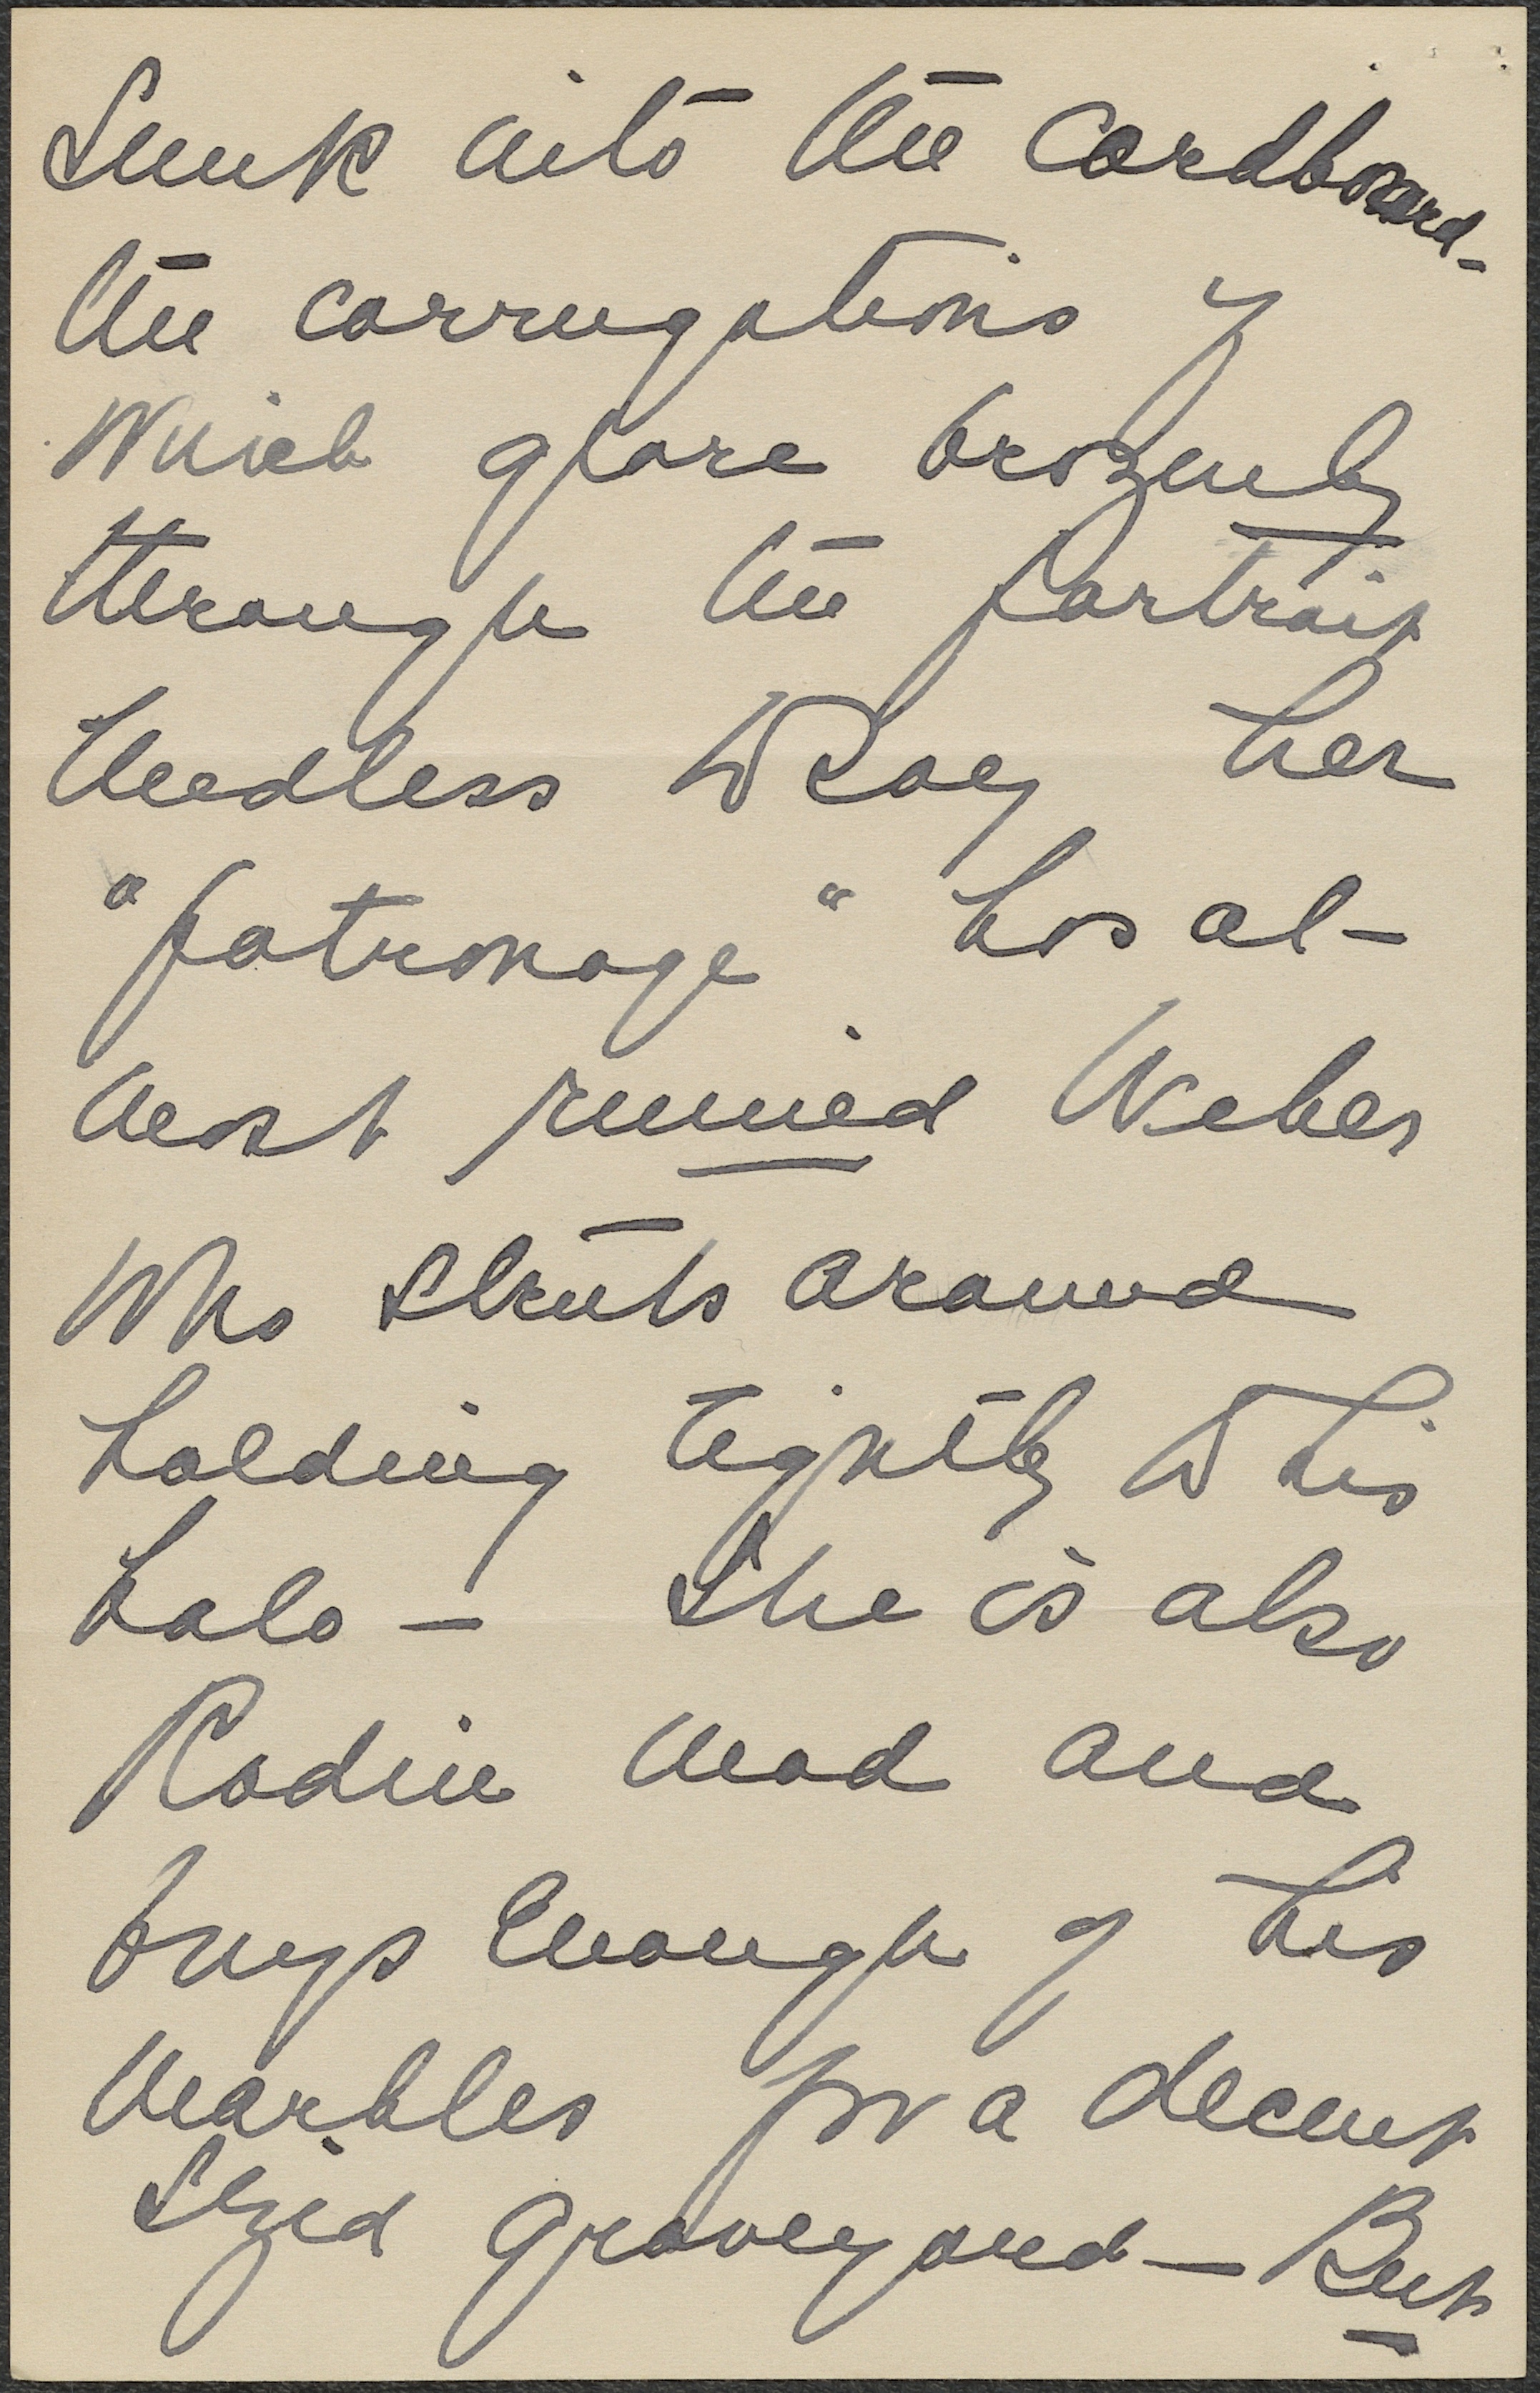sunk into the cardboard – the corrugations of which glare brazenly through the portrait Needless to say her “patronage” has almost ruined Weber who struts around holding tightly to his halo – She is also Rodin mad and buys enough of his marbles for a decent sized graveyard – But